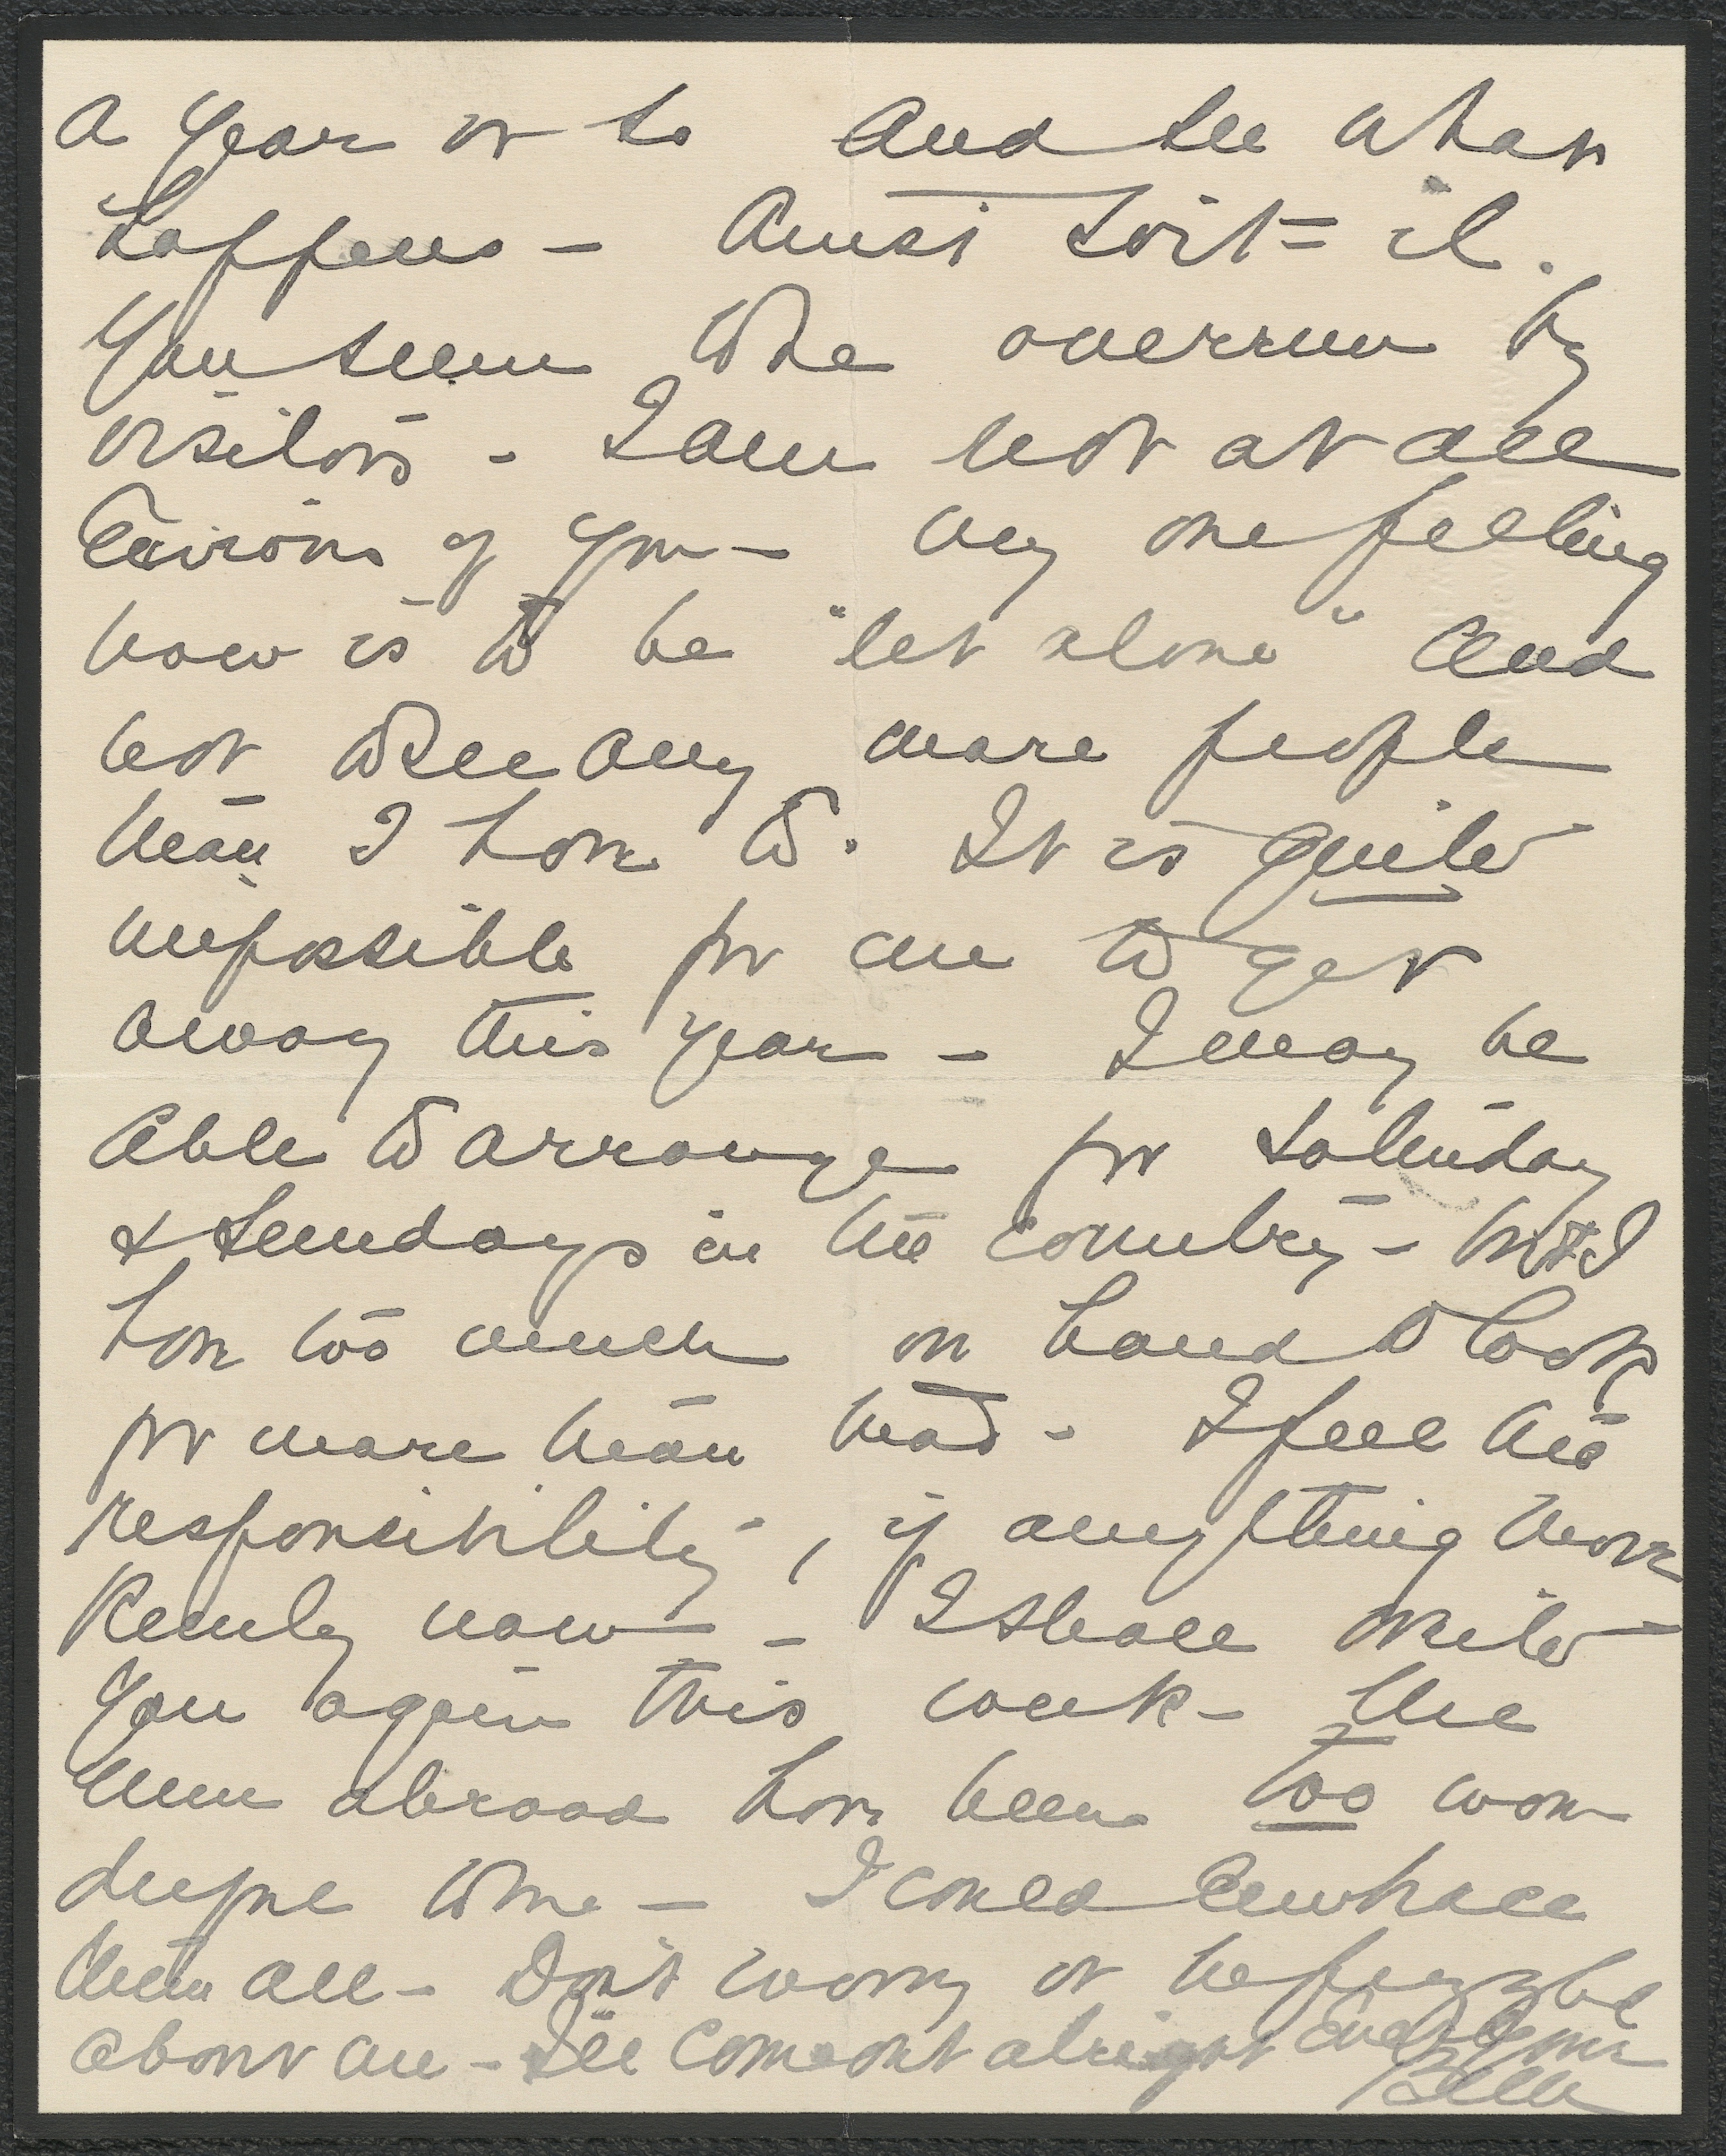a year or so and see what happens – aussi soit-il
You seem to be overrun by visitors. I am not at all envious of you – my one feeling now is to be “let alone” and not see any more people than I have to. It is quite impossible for me to get away this year – I may be able to arrange for Saturday & Sundays in the country – but I have too much on hand to look for more than that – I feel the responsibility, if anything more keenly now – I shall write you again this week – the men abroad have been too wonderful to me – I could embrace them all – Don’t worry or be puzzled about me – I’ll come out alright Ever your,
Belle